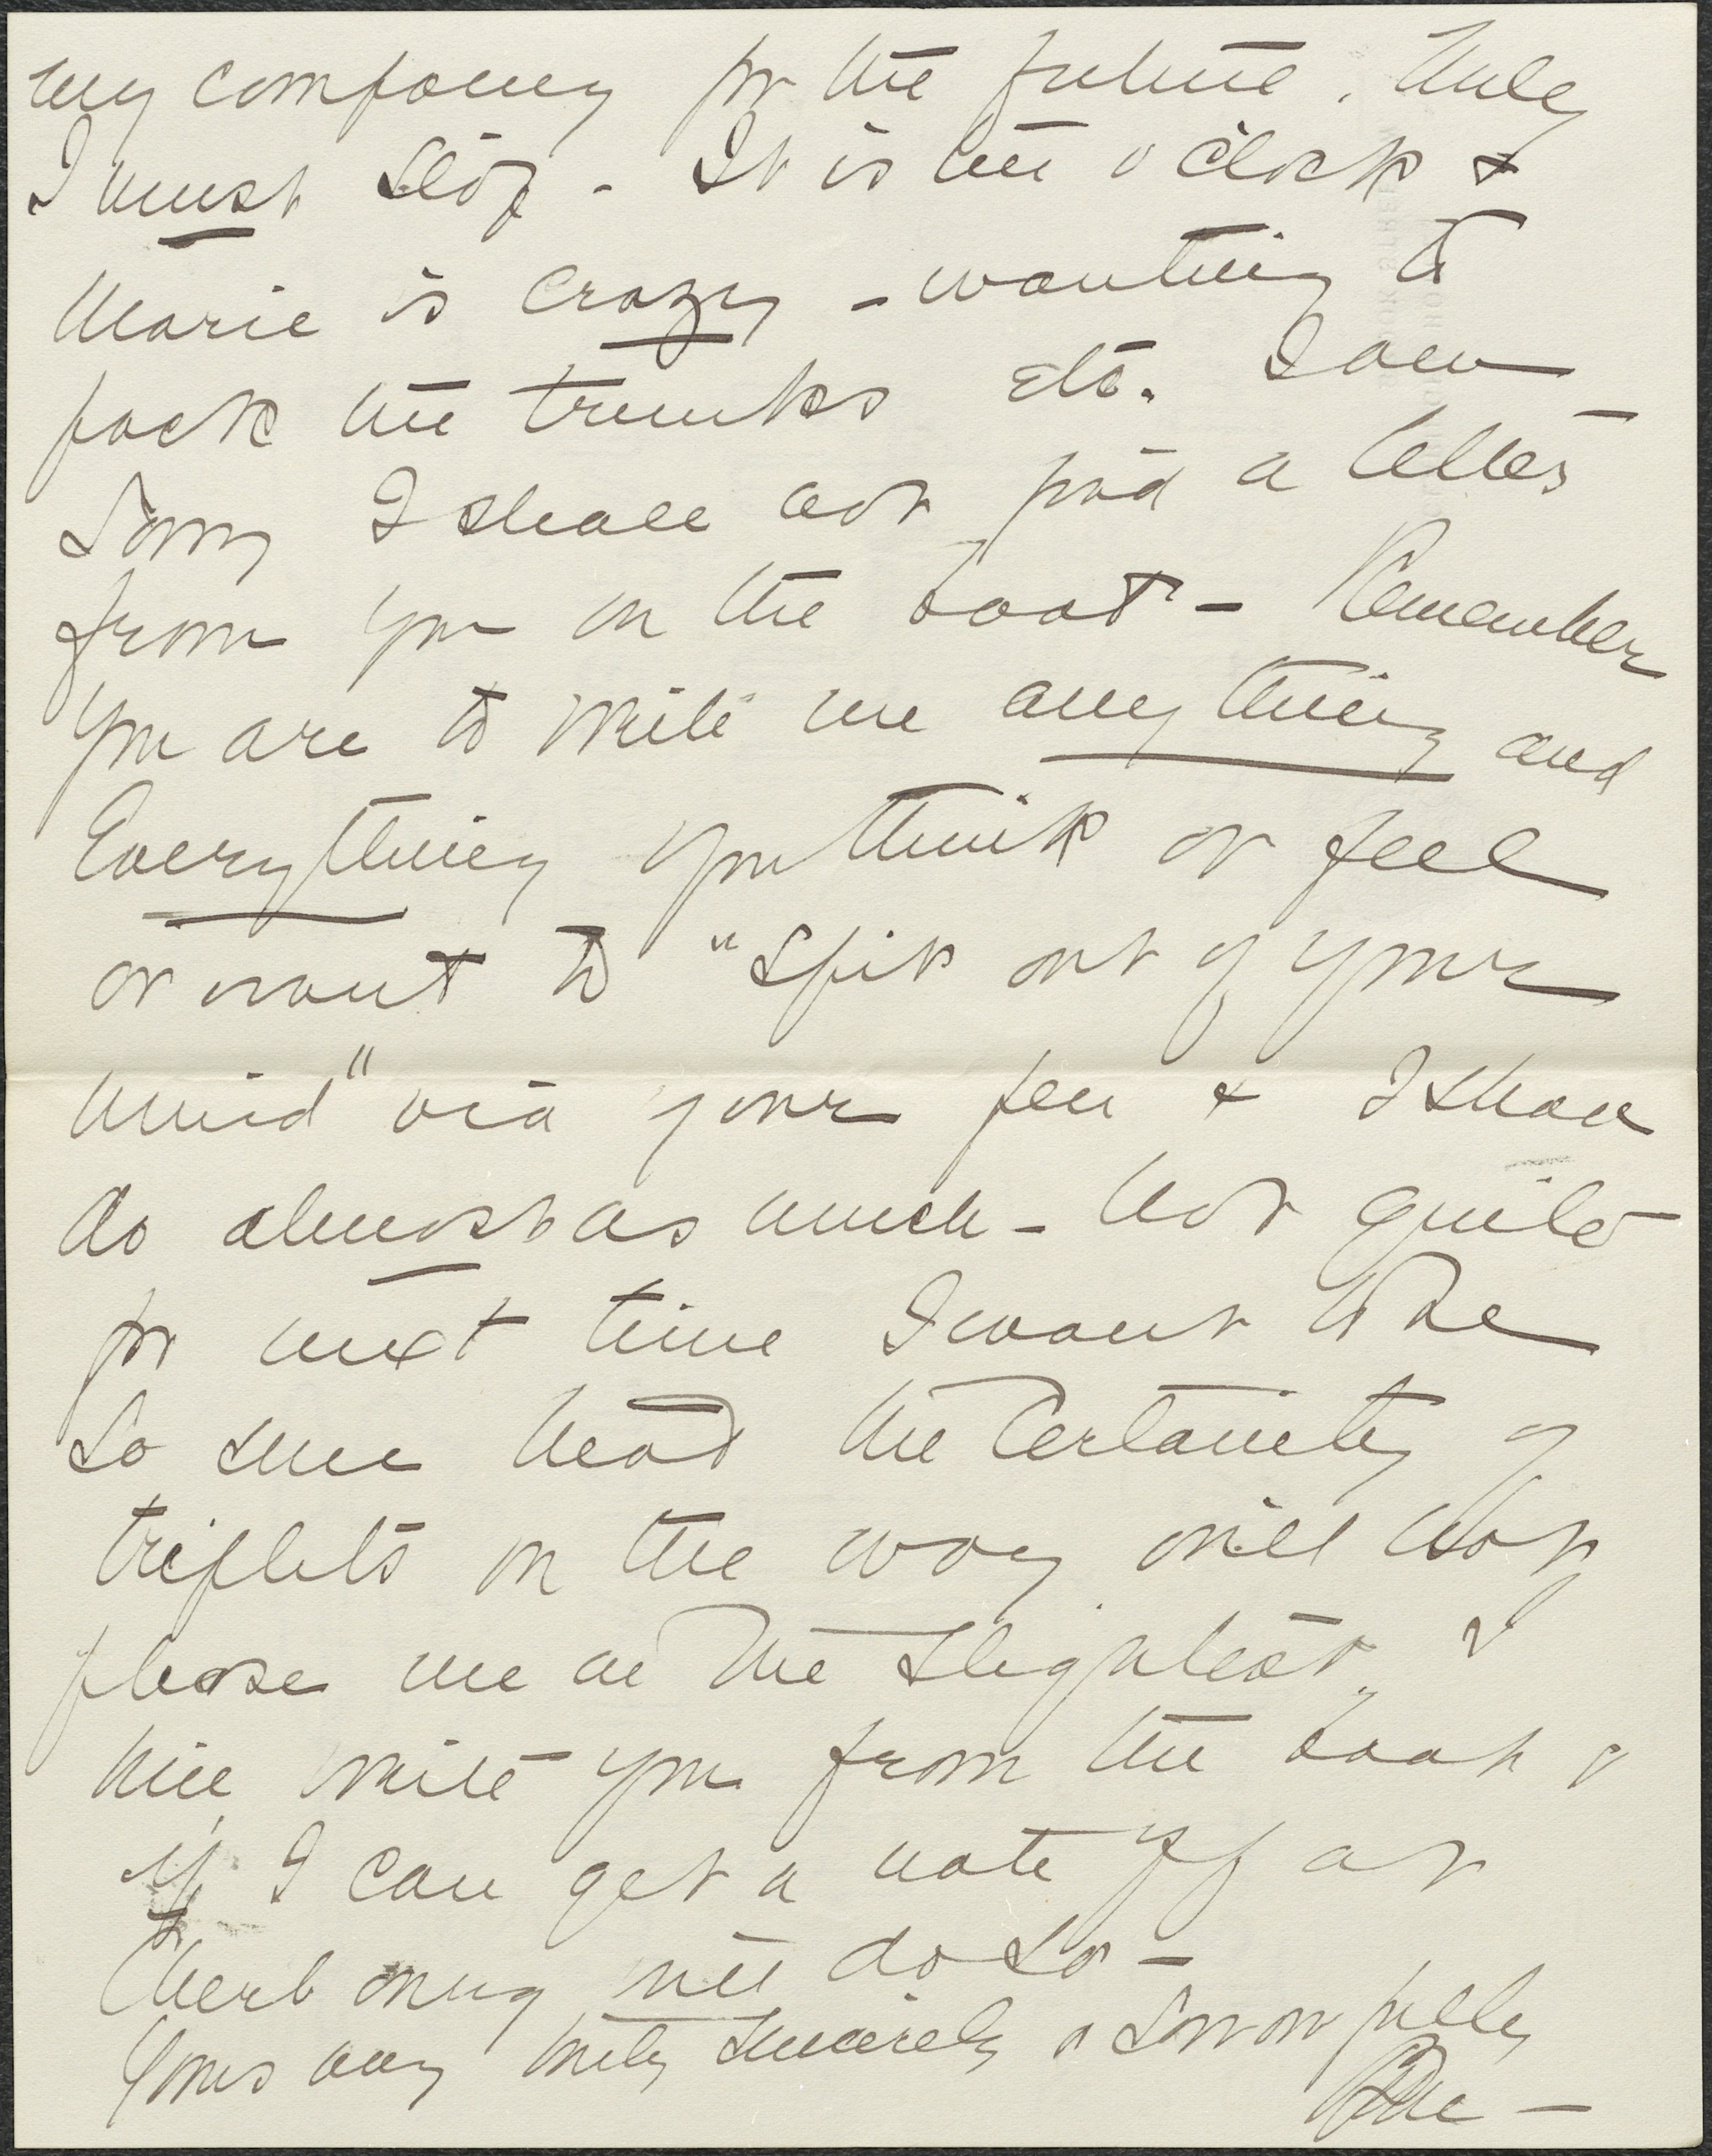my company for the future. Truly I must stop. It is two o’clock & Marie is crazy – wanting to pack the trunks etc. I am sorry I shall not find a letter from you on the boat – Remember you are to write me any thing and everything you think or feel or want to “spit out of your mind” via your pen & I shall do almost as much – not quite – for next time I want to be so sure that the certainty of triplets on the way will not please me in the slightest. I will write you from the boat & if I can get a note off at Cherbourg will do so –
Yours very truly sincerely & sorrowfully
Belle –